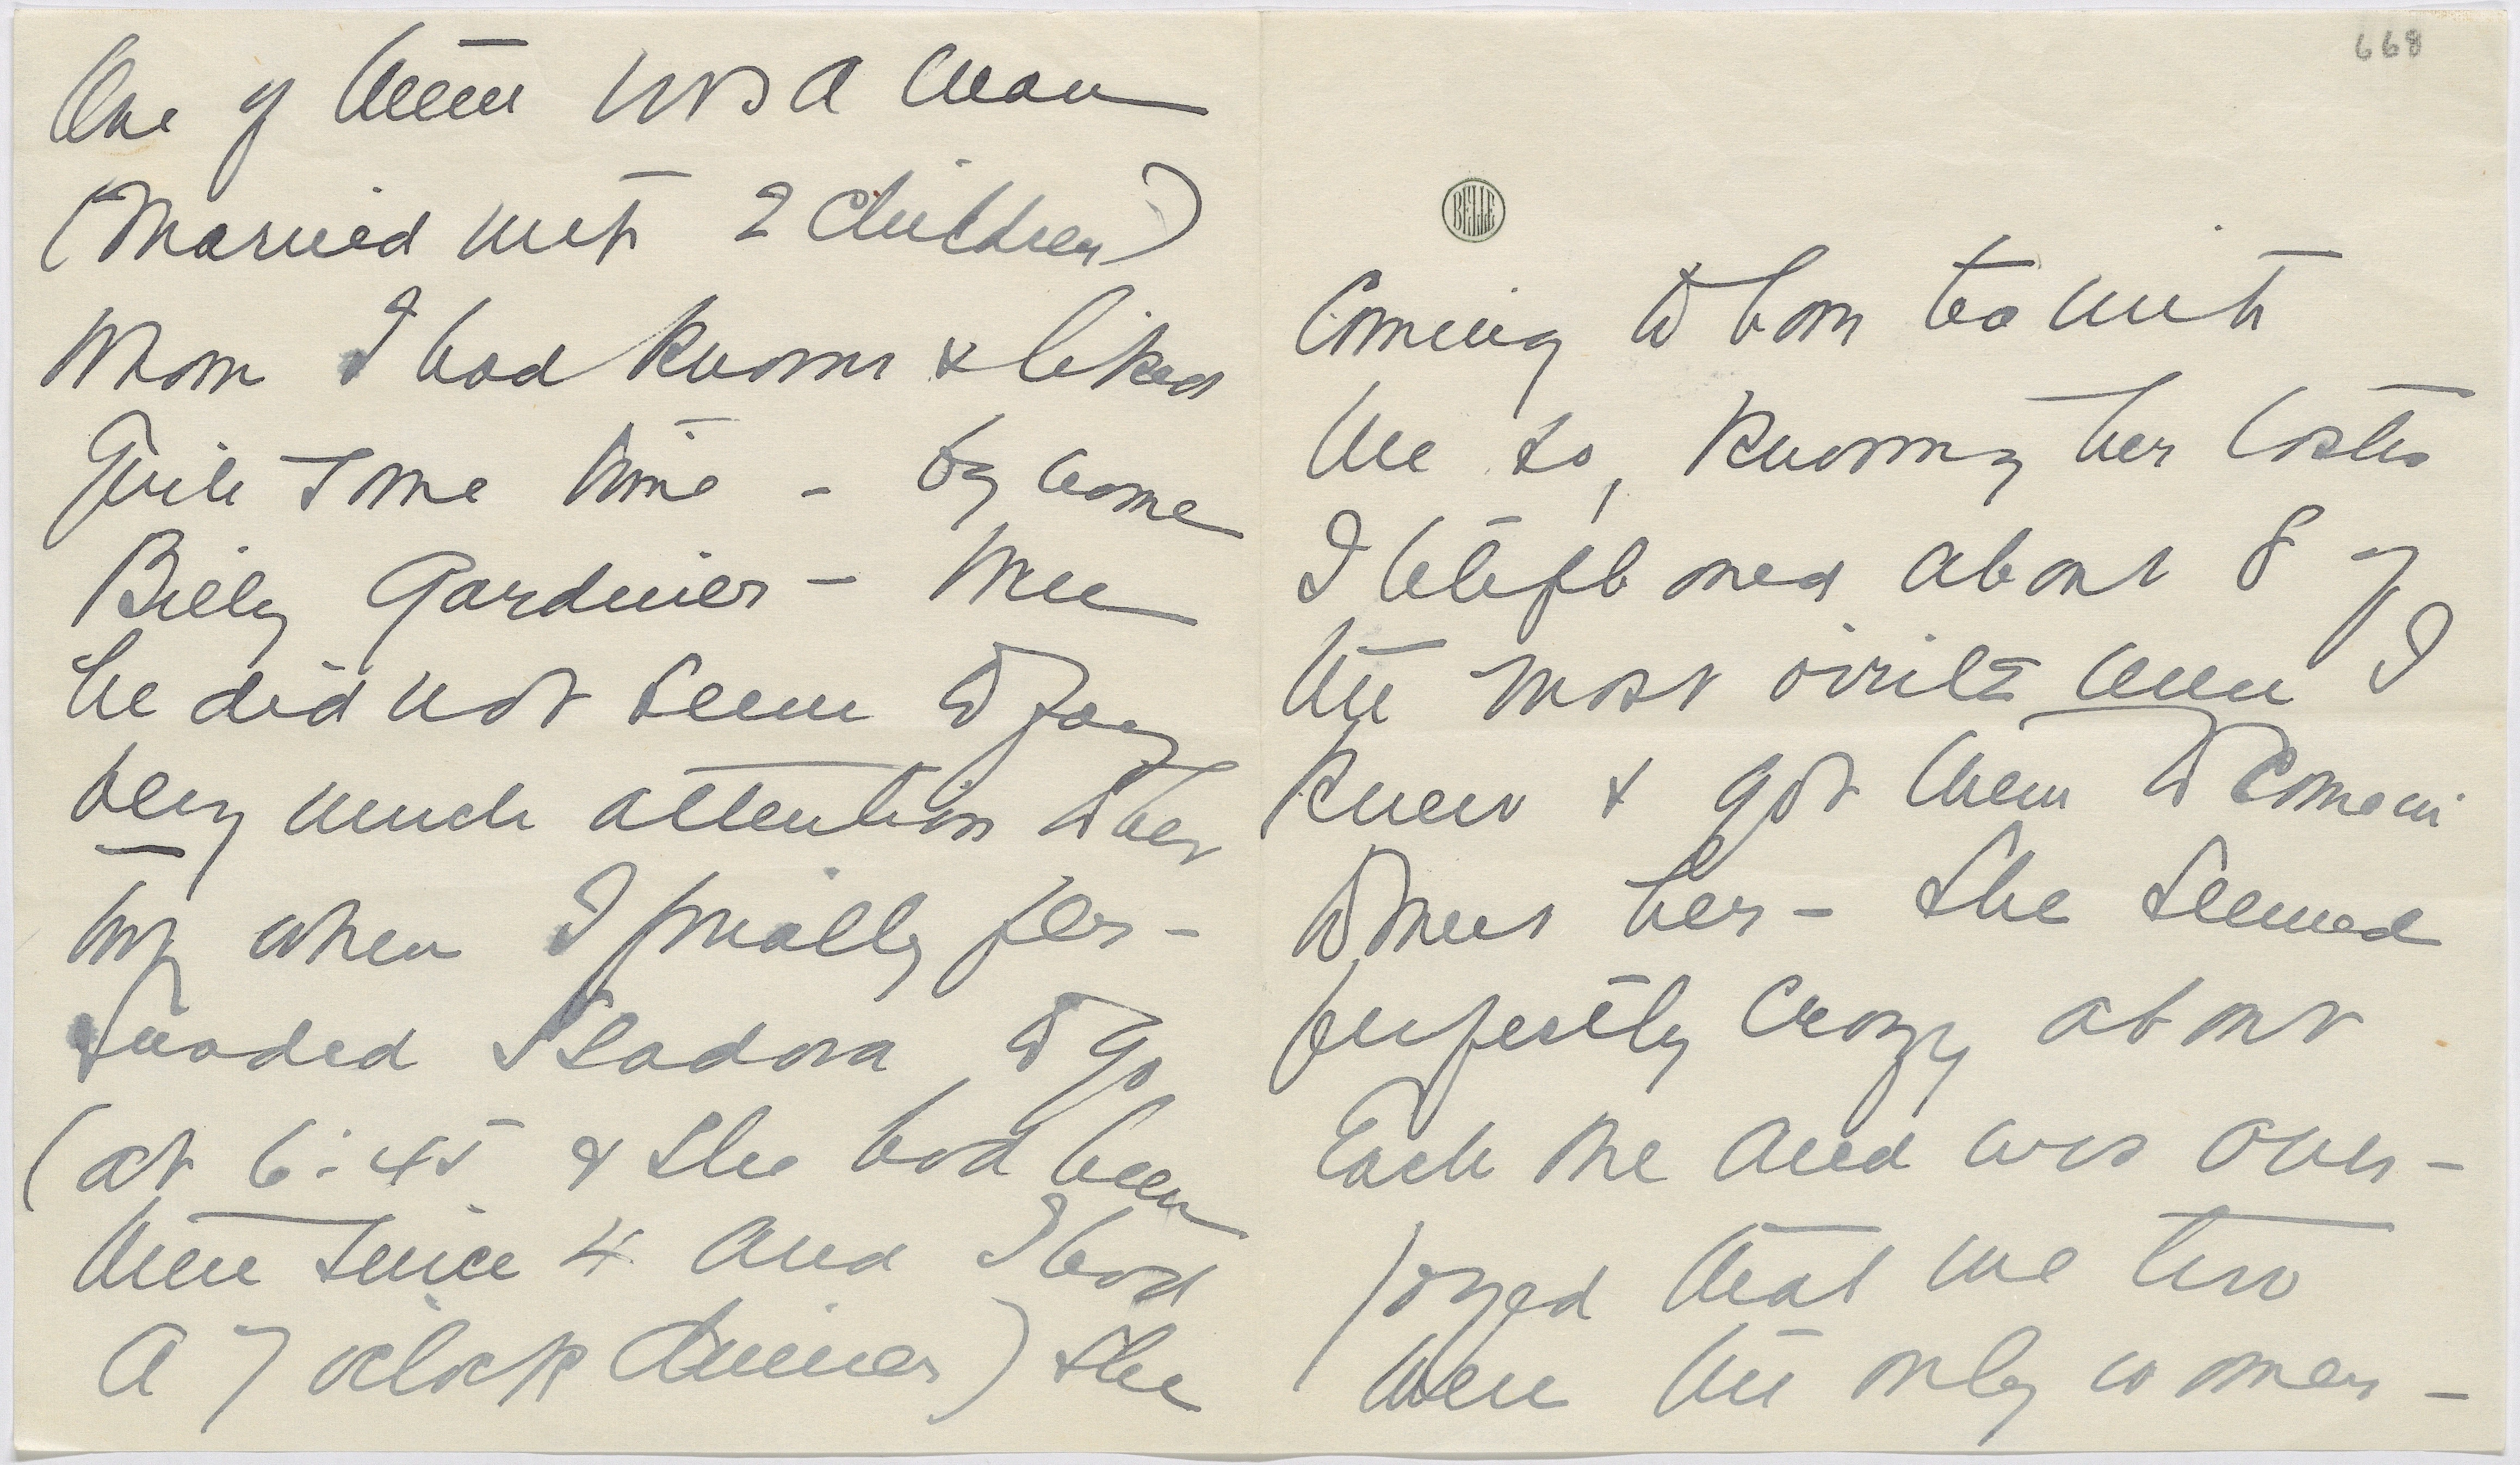coming to have tea with me so, knowing her tastes I telephoned about 8 of the most virile men I knew & got them to come in to meet her – She seemed perfectly crazy about Each one and was overjoyed that we two were the only women –
One of them was a man (married with 2 children) whom I had known & liked quite some time – by name Billy Gardiner – Well he did not seem to pay very much attention to her but when I finally persuaded Isadora to go (at 6:45 & she had been there since 4 and I had a 7 o’clock dinner) she